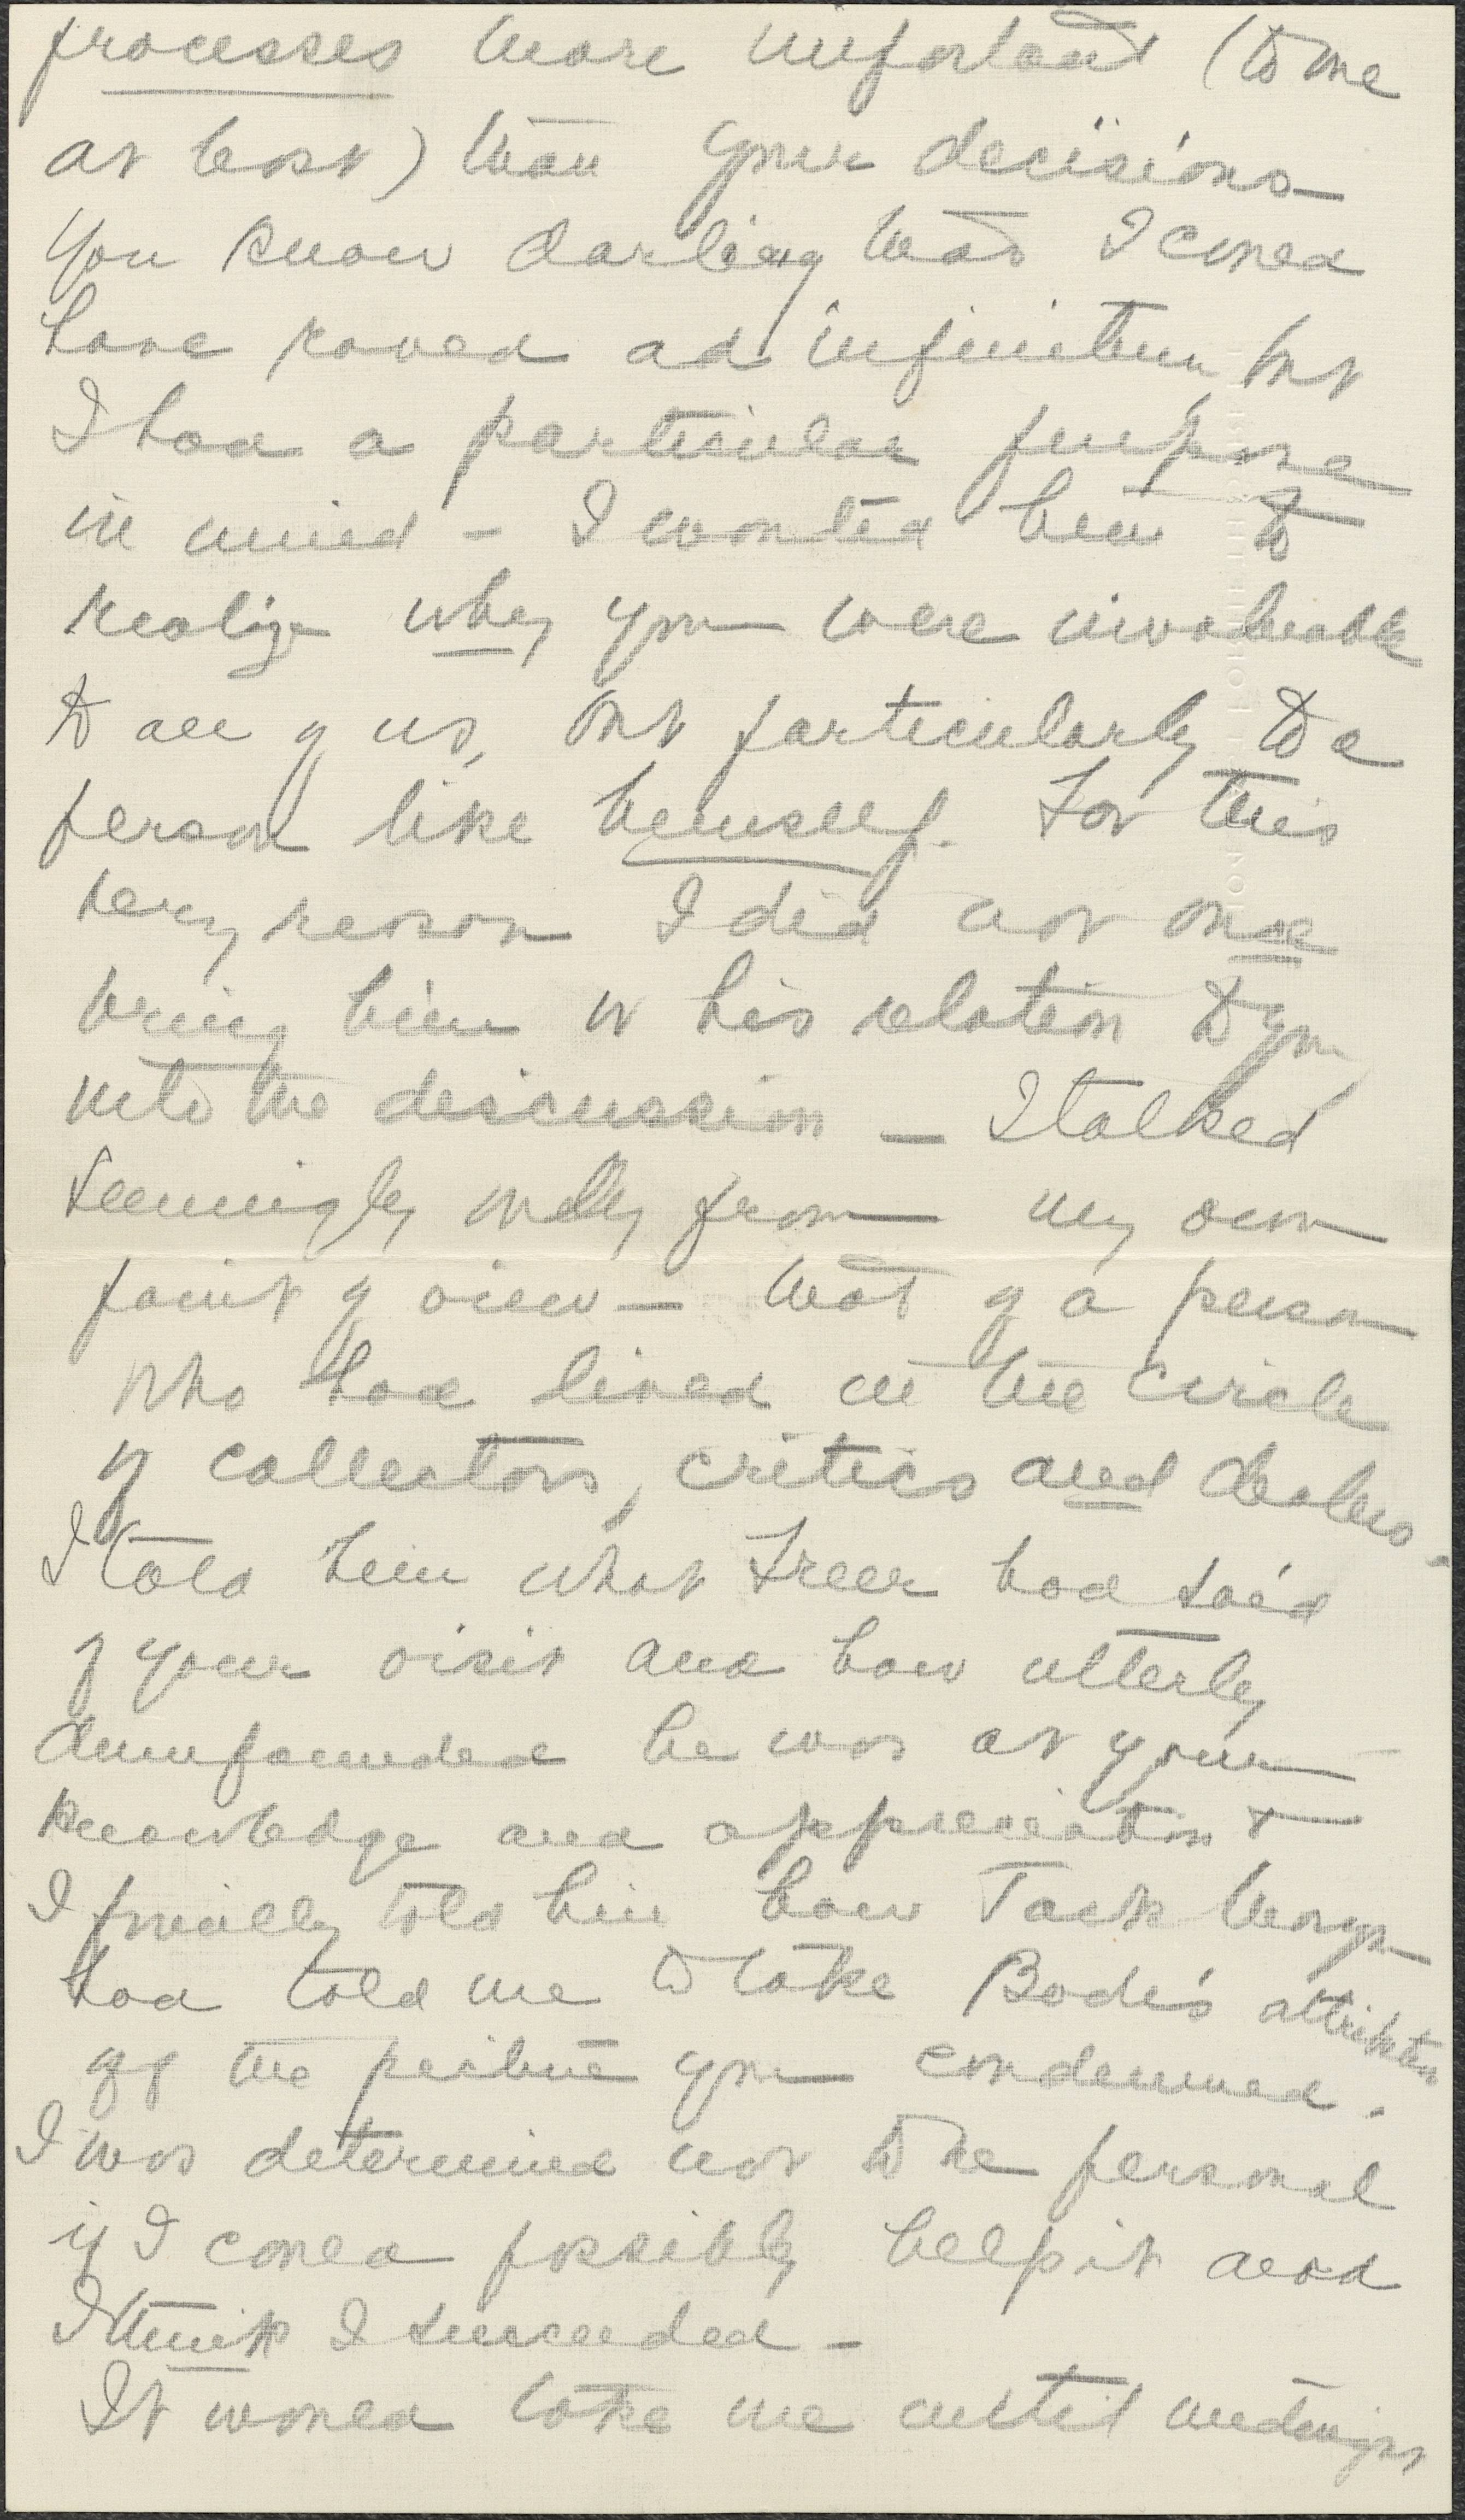processes more important (to me at least) than your decisions – You know darling that I could have raved ad infinitum but I had a particular purpose in mind – I wanted him to realize why you were invaluable to all of us, but particularly to a person like himself. For this very reason I did not once bring him or his relation to you into the discussion – I talked seemingly only from – my own point of view – that of a person who had lived in the circle of collectors, critics and dealers, I told him what Freer had said of your visit and how utterly dumfounded [sic] he was at your knowledge and appreciation & I finally told him how Jack Morgan had told me to take Bode’s attribution off the picture you condemned. I was determined not to be personal if I could possibly help it and I think I succeeded
It would take me until midnight